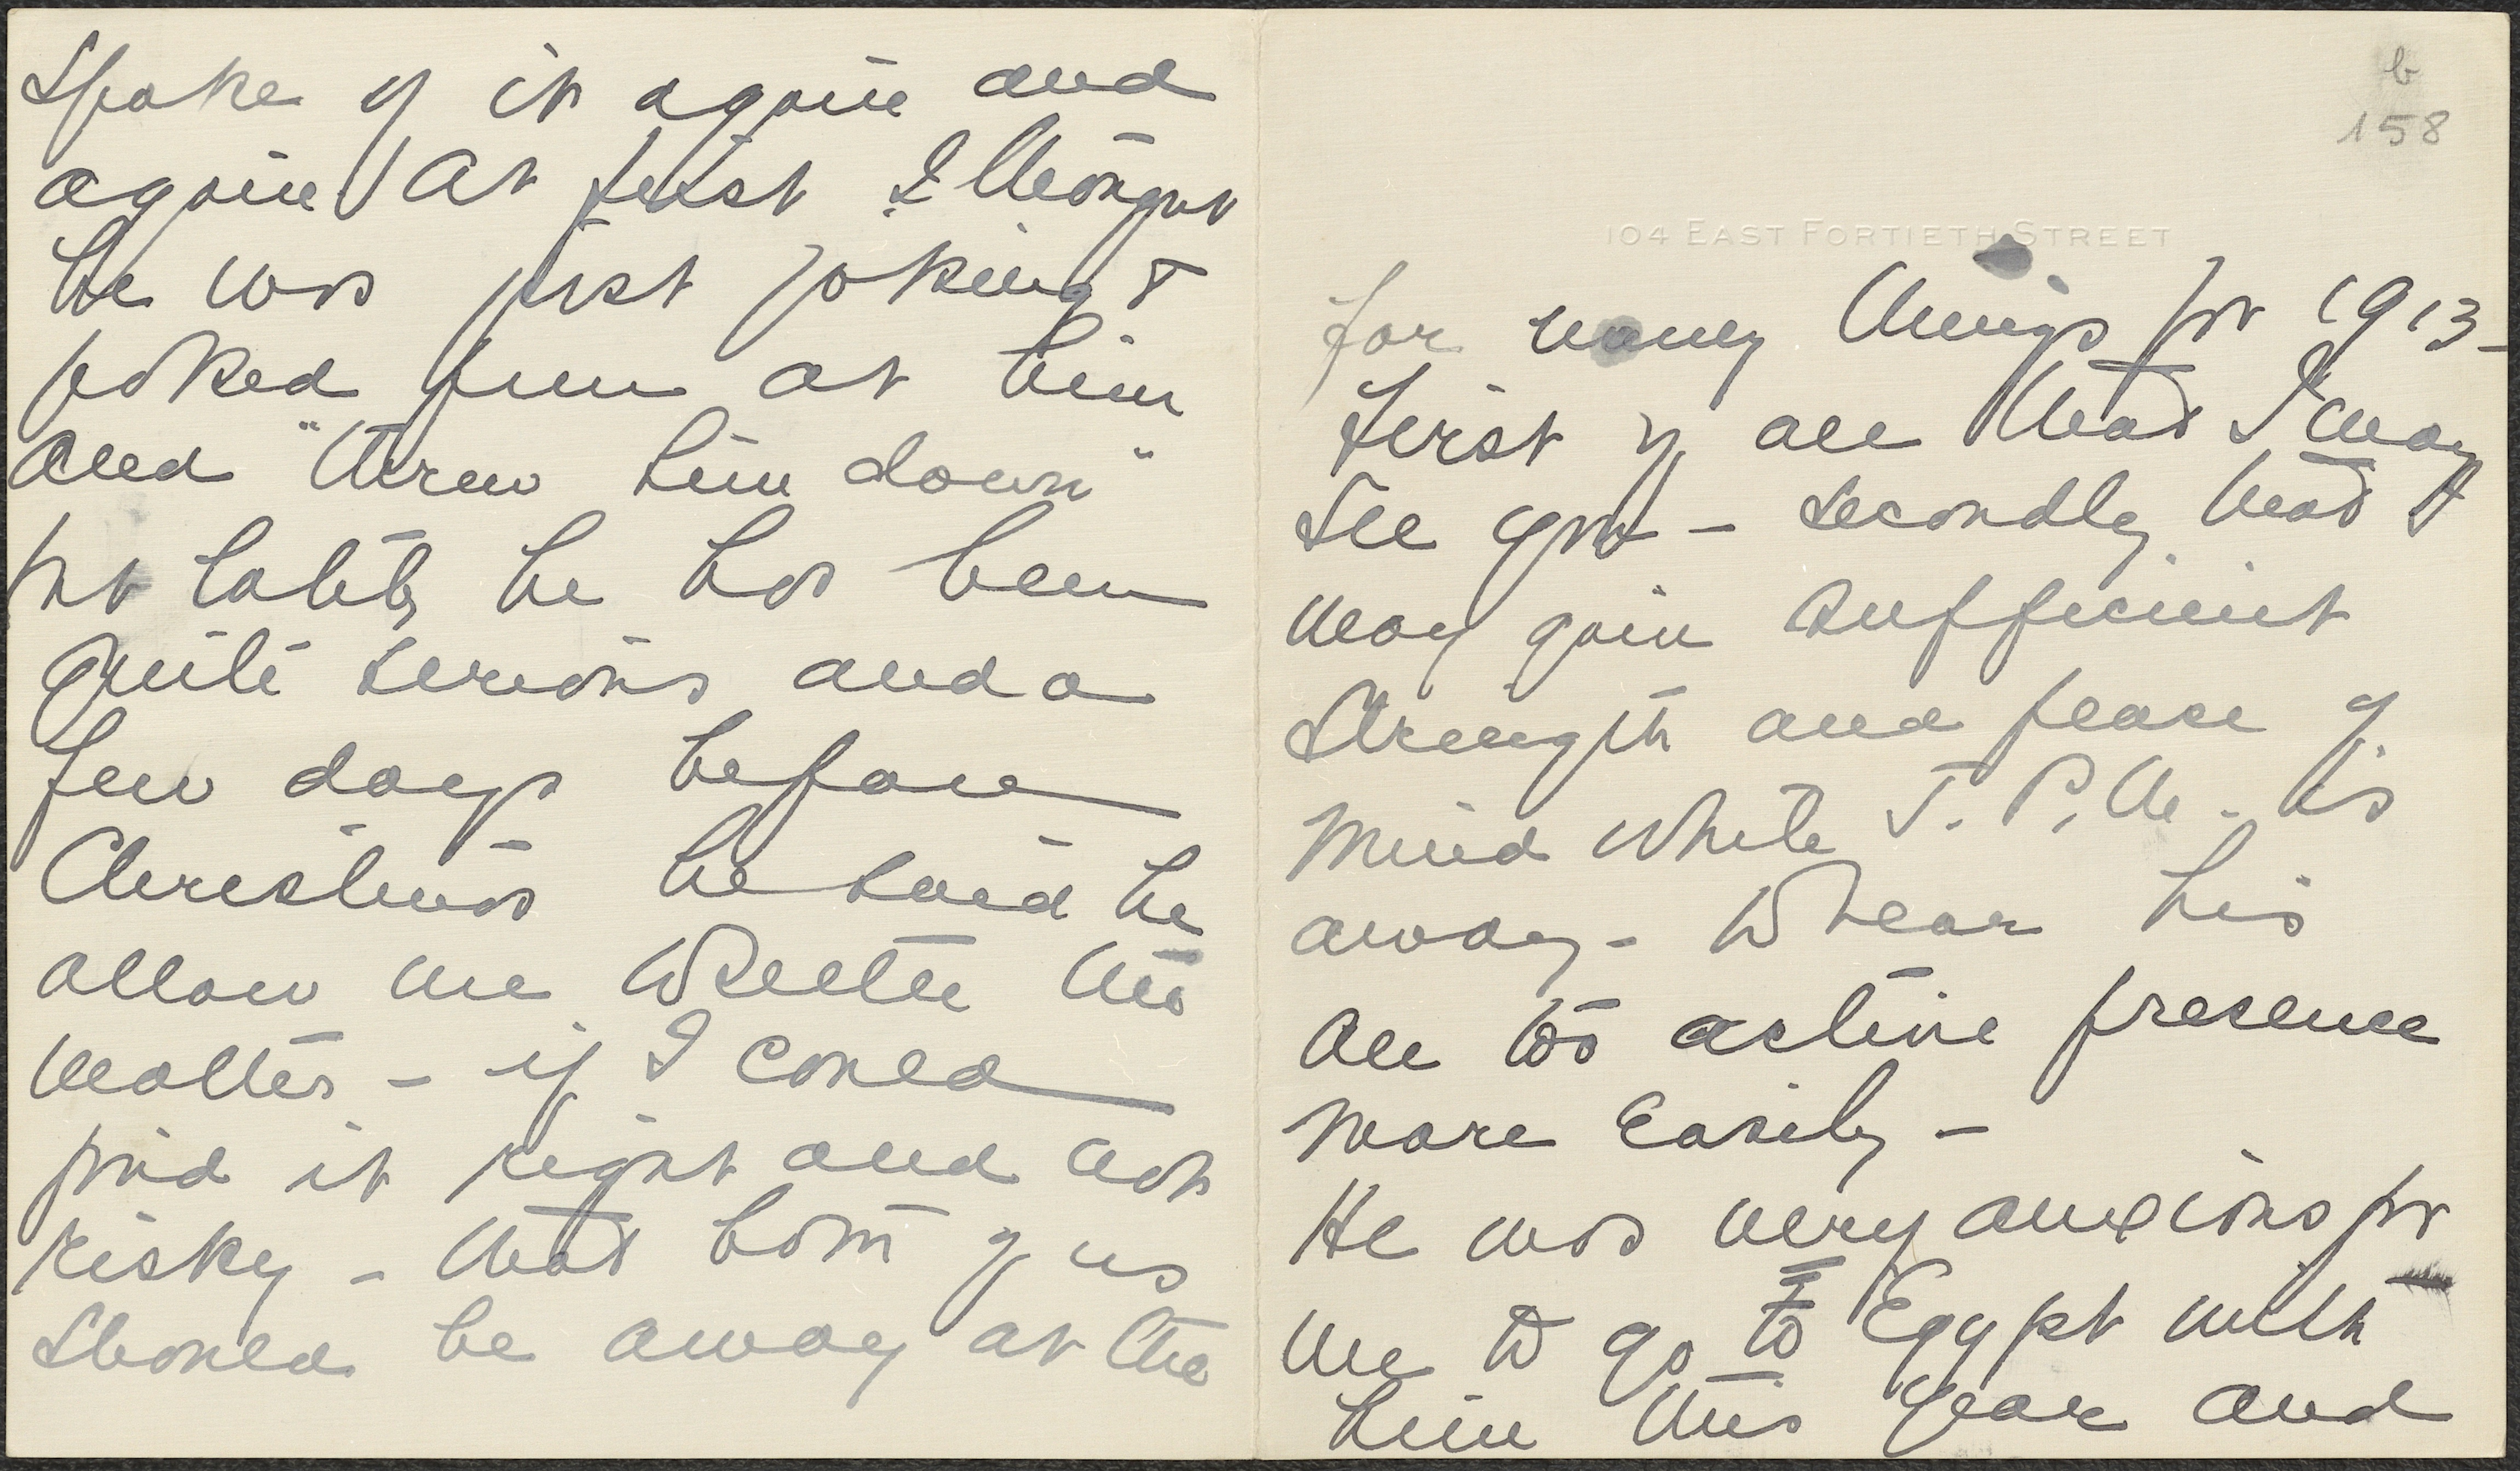for many things for 1913 – First of all that I may see you – secondly that I may gain sufficient strength and peace of mind while J. P. M. is away – to hear his all to active presence more easily –
He was [double underlined: very] anxious for me to go to Egypt with him this year and
spoke of it again and again at first I thought he was just joking & poked fun at him and “threw him down” but lately he has been quite serious and a few days before Christmas he said he allow [sic] me to settle the matter – if I could find it right and not risky – that both of us should be away at the